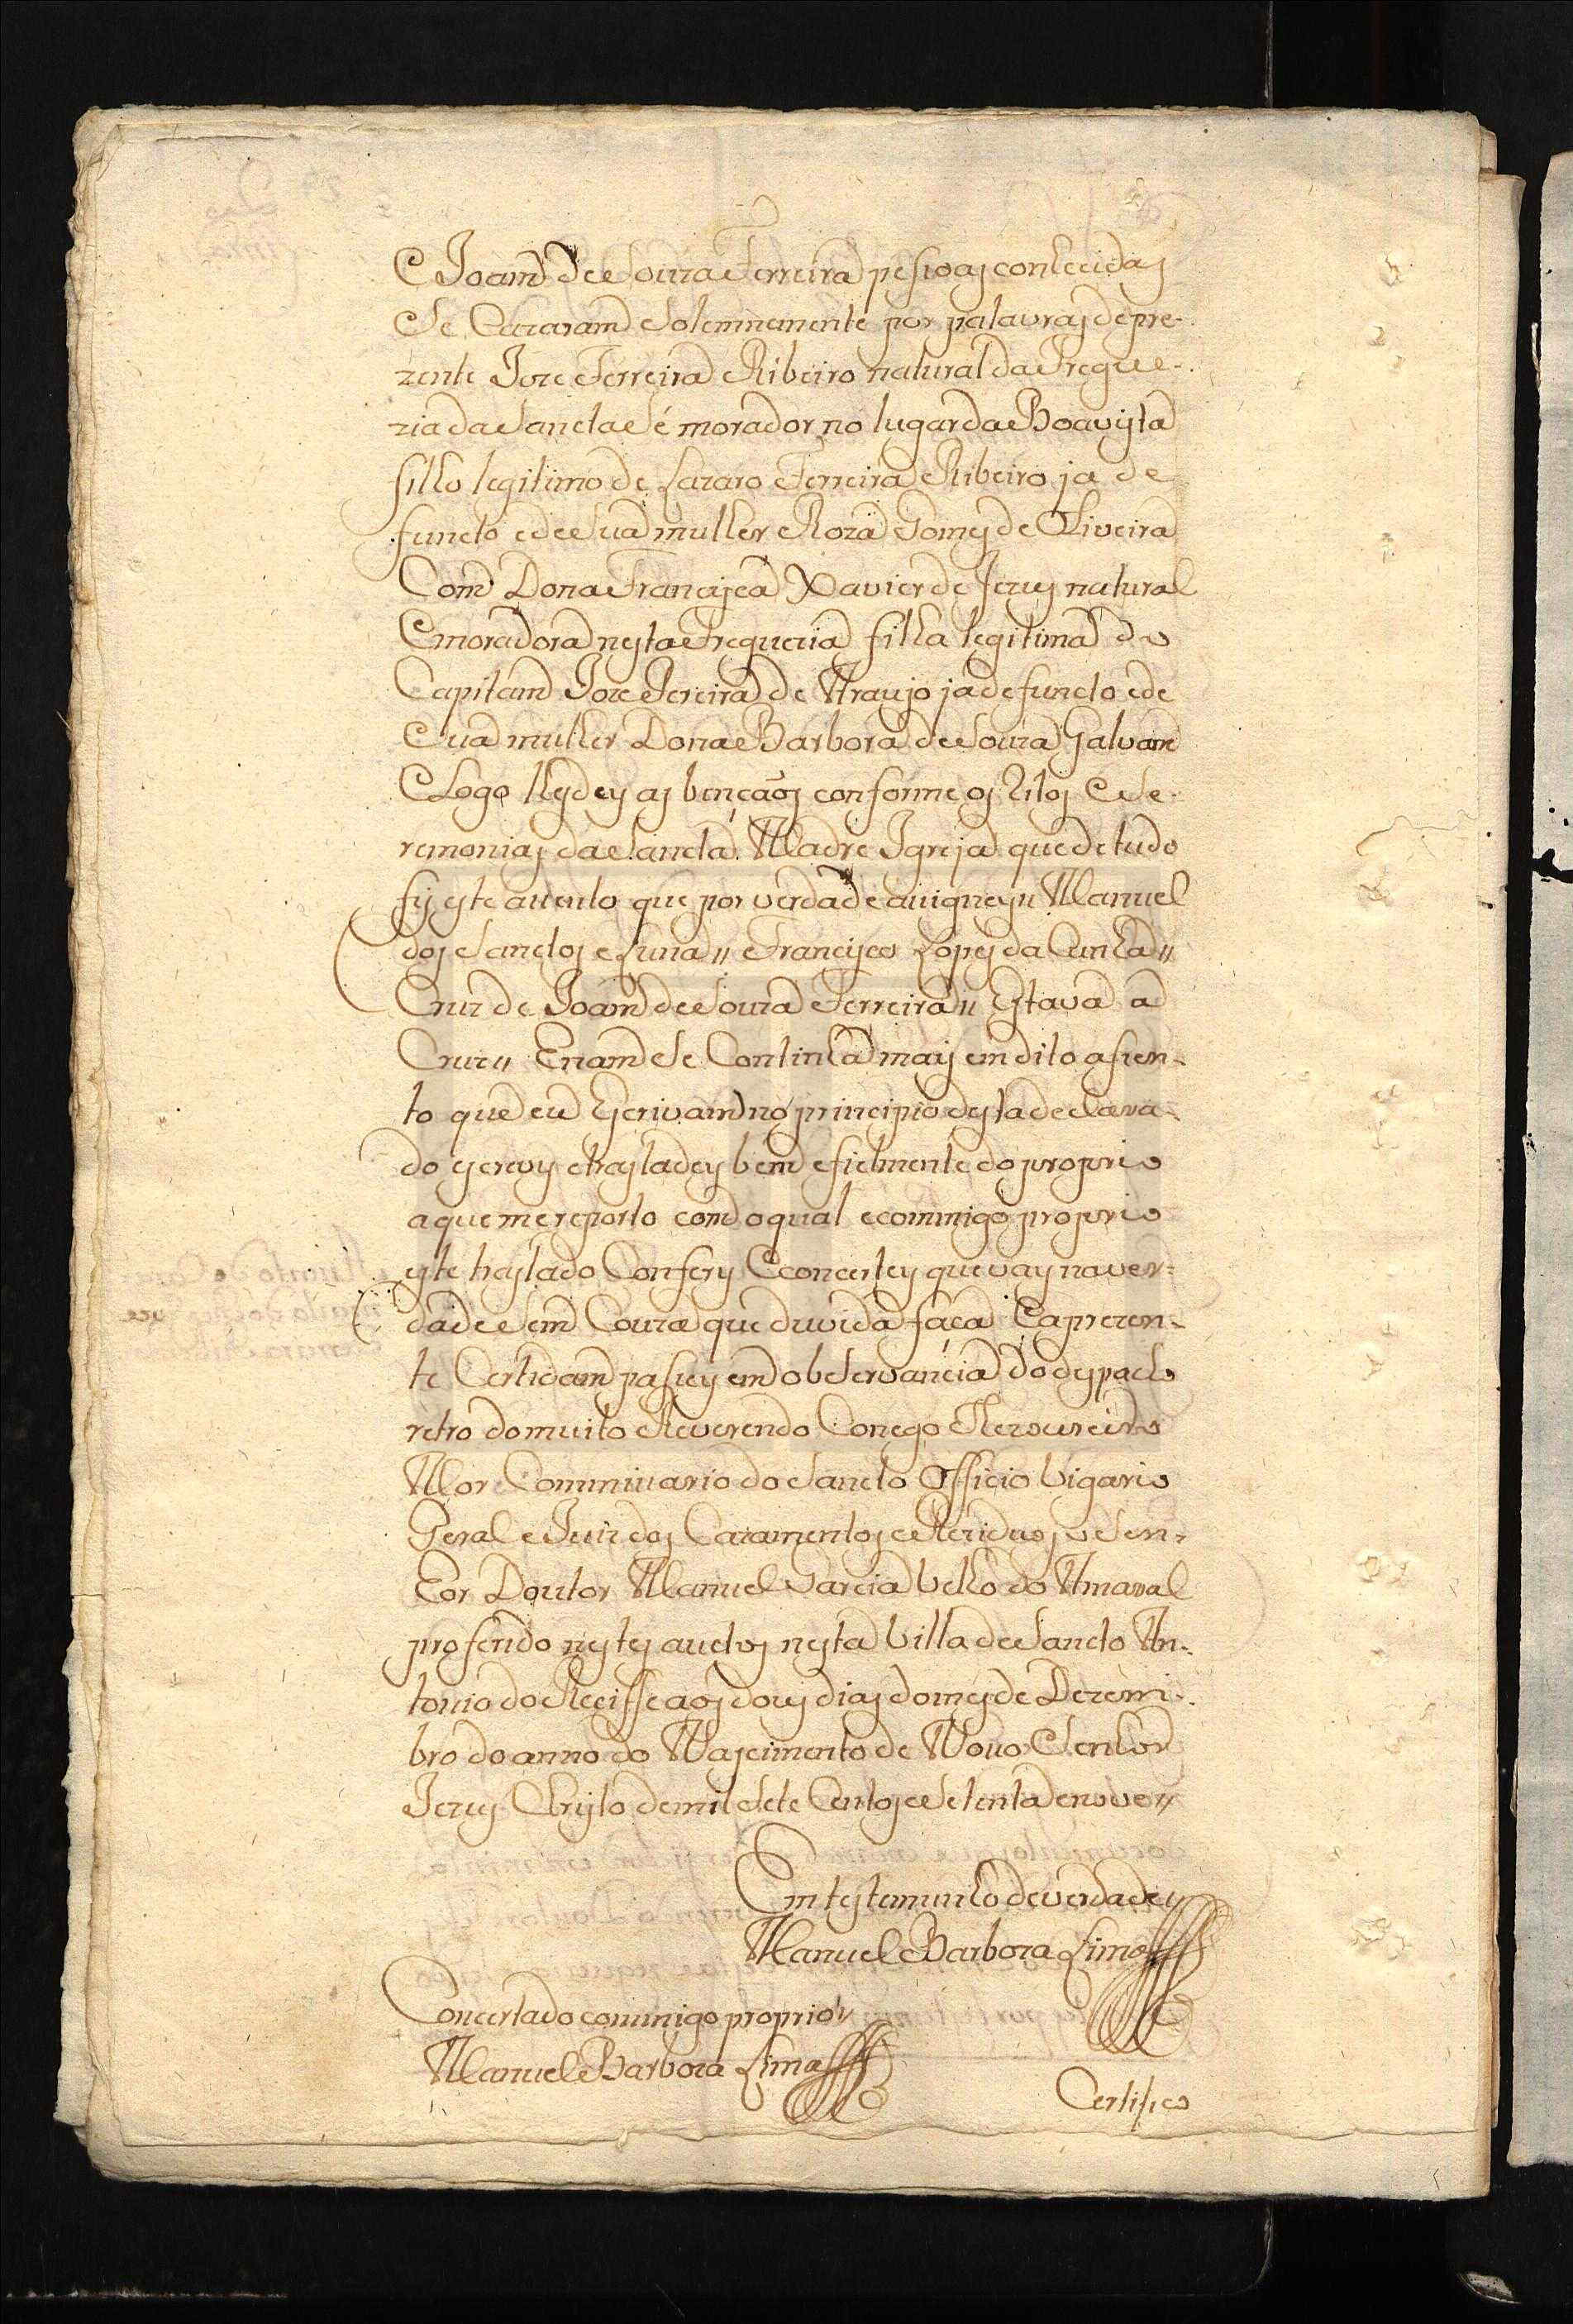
e Joam de Souza Ferreira pessoas conhecidas
Se Cazaram Solemnemente por palavras de pre
zente Ioze Ferreira Ribeiro natural da Fregue
zia da Sancta Sé morador no lugar da Boa vista
filho legitimo de Lazaro Ferreira Ribeiro ja de
functo e de Sua mulher Roza Gomes de oLiveira
Com Dona Francisca Xavier de Jezus natural
e moradora nesta Freguezia filha legitima do
Capitam Ioze Pereira de Araujo ja defuncto e de
Sua mulher Dona Barbara de Souza Galvam
e Logo lhes dey as bençaõs conforme os Ritos e se
remonias da Sancta Madre Igreja que de tudo
fis este assento que por verdade assigney// Manuel
dos Sanctos e Lima// Francisco Lopes da Cunha//
Cruz de Ioam de Souza Ferreira// Estava a
Cruz// E nam se Continha mais em dito assen
to que eu Escrivam no principio desta declara
do escrevy e trasladey bem e fielmente do proprio
a que me reporto com o qual e commigo proprio
este traslado Confery e concertey que vay na ver
dade Sem Couza que duvida faça e a prezen
te Certidam passey em observancia do despacho
retro do muito Reverendo Conego Thezoureiro
Mor Commissario do Sancto officio Vigario
Geral e Iuiz dos Cazamentos e Reziduos o Sen
hor Doutor Manuel Garcia Velho do Amaral
proferido nestes auctos nesta villa de Sancto An
tonio do Reciffe aos dous dias do mes de Dezem
bro do anno do Nascimento de Nosso Senhor
Iezus Christo de mil SeteCentos e setenta e nove//
Em testemunho de verdade//
Manuel Barboza Lima
Concertado commigo proprio//
Manuel Barboza Lima
Certifico
